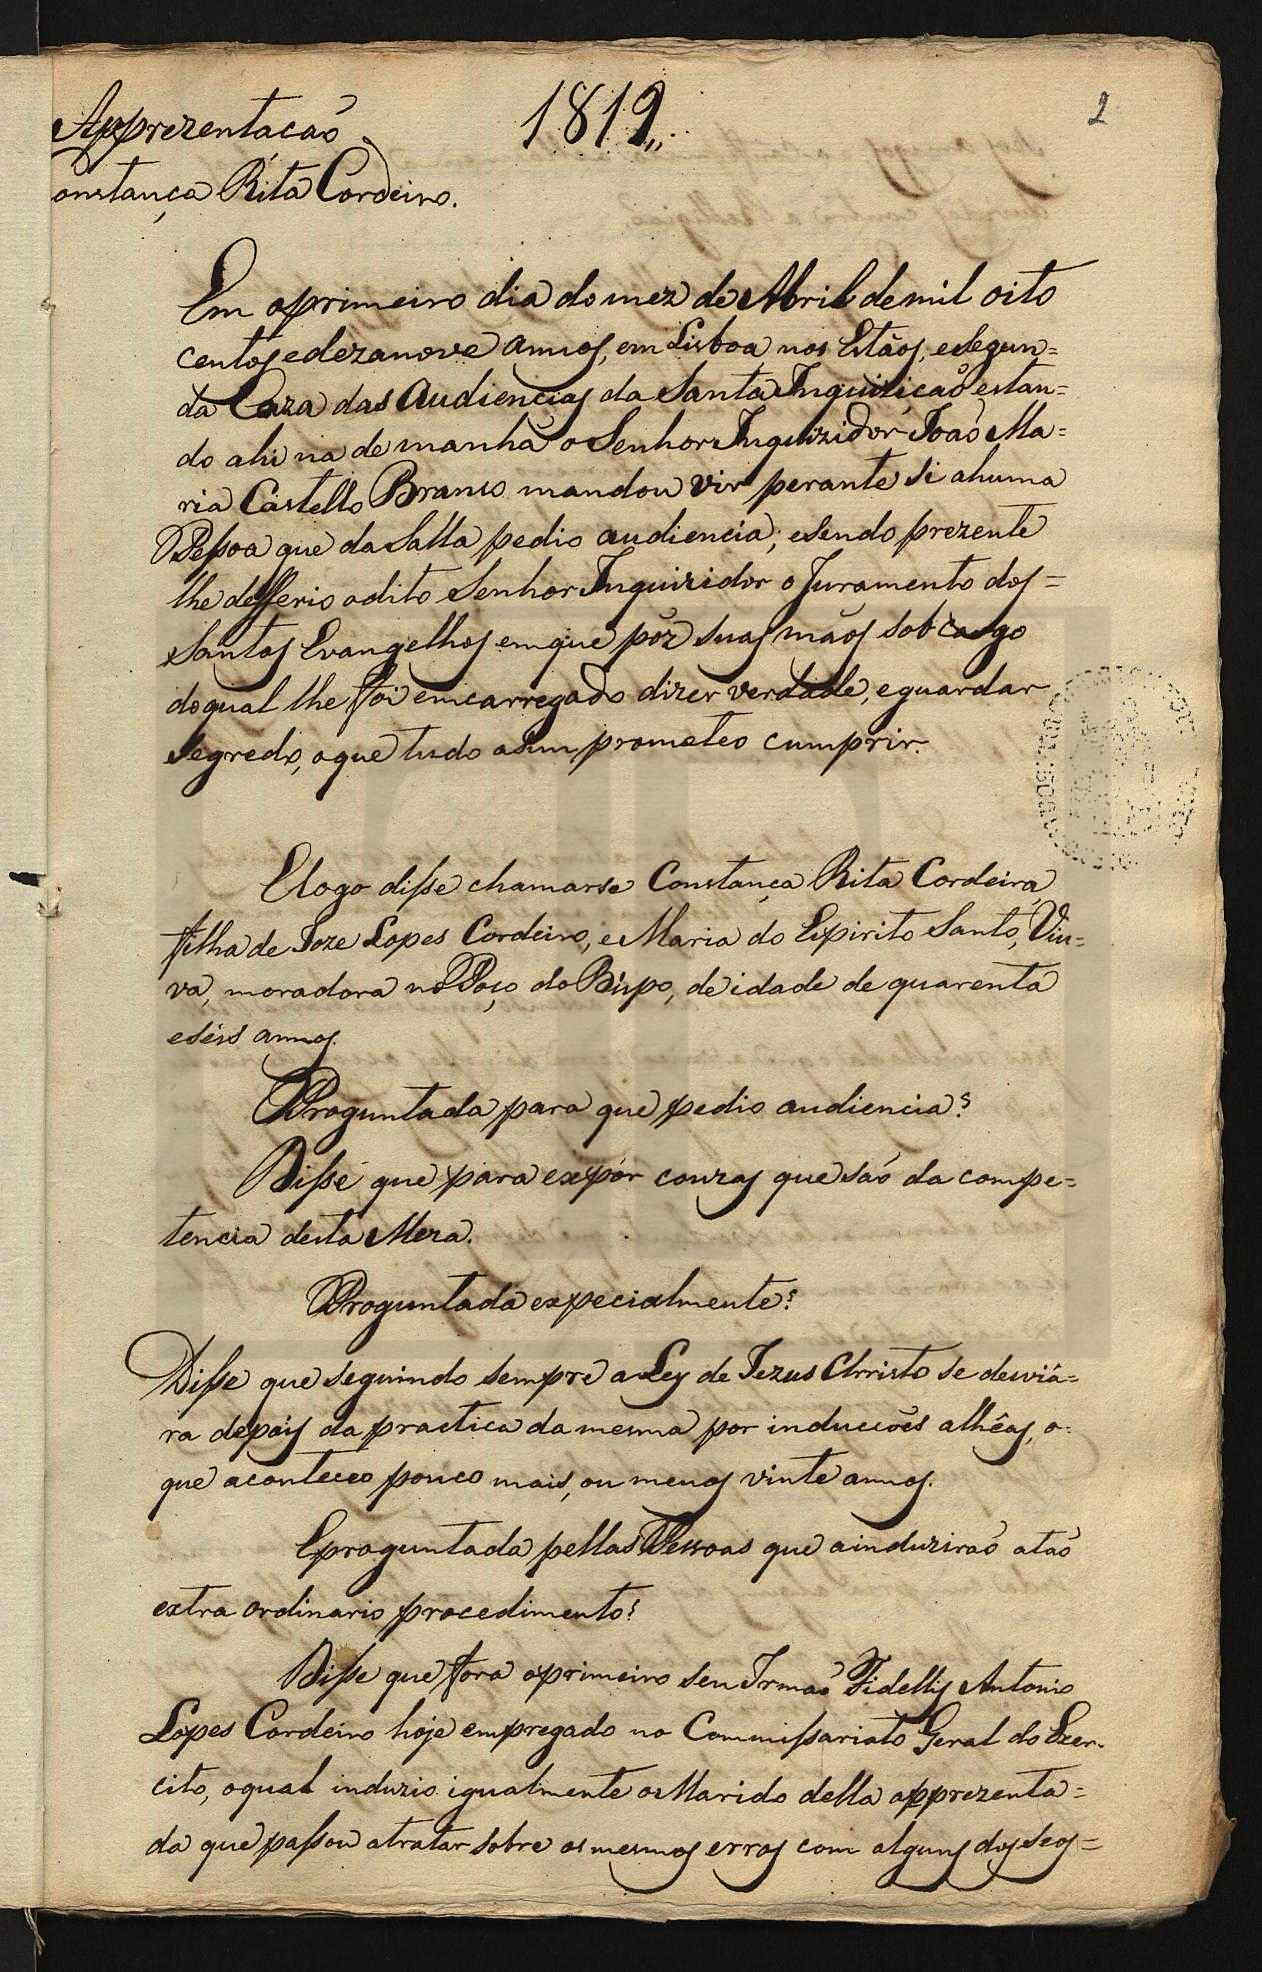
Apprezentaçaõ
onstança Rita Cordeiro.
1819.
Em o primeiro dia do mez de Abril de mil oito
centos e dezanove annos, em Lisboa nos Estáos, e Segun
da Caza das Audiencias da Santa Inquiziçaõ estan
do ahi na de manhã o Senhor Inquizidor Ioaõ Ma
ria Castello Branco mandou vir perante si a huma
Pessoa que da Salla pedio audiencia; e sendo prezente
lhe defferio o dito Senhor Inquizidor o Juramento dos
Santos Evangelhos em que põz suas maõs sob cargo
do qual lhe foi emcarregado dizer verdade, e guardar
segredo, a que tudo asim prometeo cumprir.
E logo disse chamarse Constança Rita Cordeira,
filha de Ioze Lopes Cordeiro, e Maria do Espirito Santo, Viu
va, moradora no Poço do Bispo, de idade de quarenta
e seis annos.
Proguntada para que pedio audiencia?
Disse que para expor couzas que saõ da compe
tencia desta Meza.
Proguntada expecialmente?
Disse que seguindo sempre a Ley de Iezus Christo se desviá
ra depois da practica da mesma por inducçoẽs alhéas, o
que aconteceo pouco mais, ou menos vinte annos.
E proguntada pellas Pessoas que a induziraõ a taõ
extraordinario procedimento?
Disse que fora o primeiro seu Irmaõ Fidellis Antonio
Lopes Cordeiro hoje empregado no Commissariato Geral do Exer
cito, o qual induzio igualmente o Marido della apprezenta
da que passou a tratar sobre os mesmos erros com alguns dos seos
